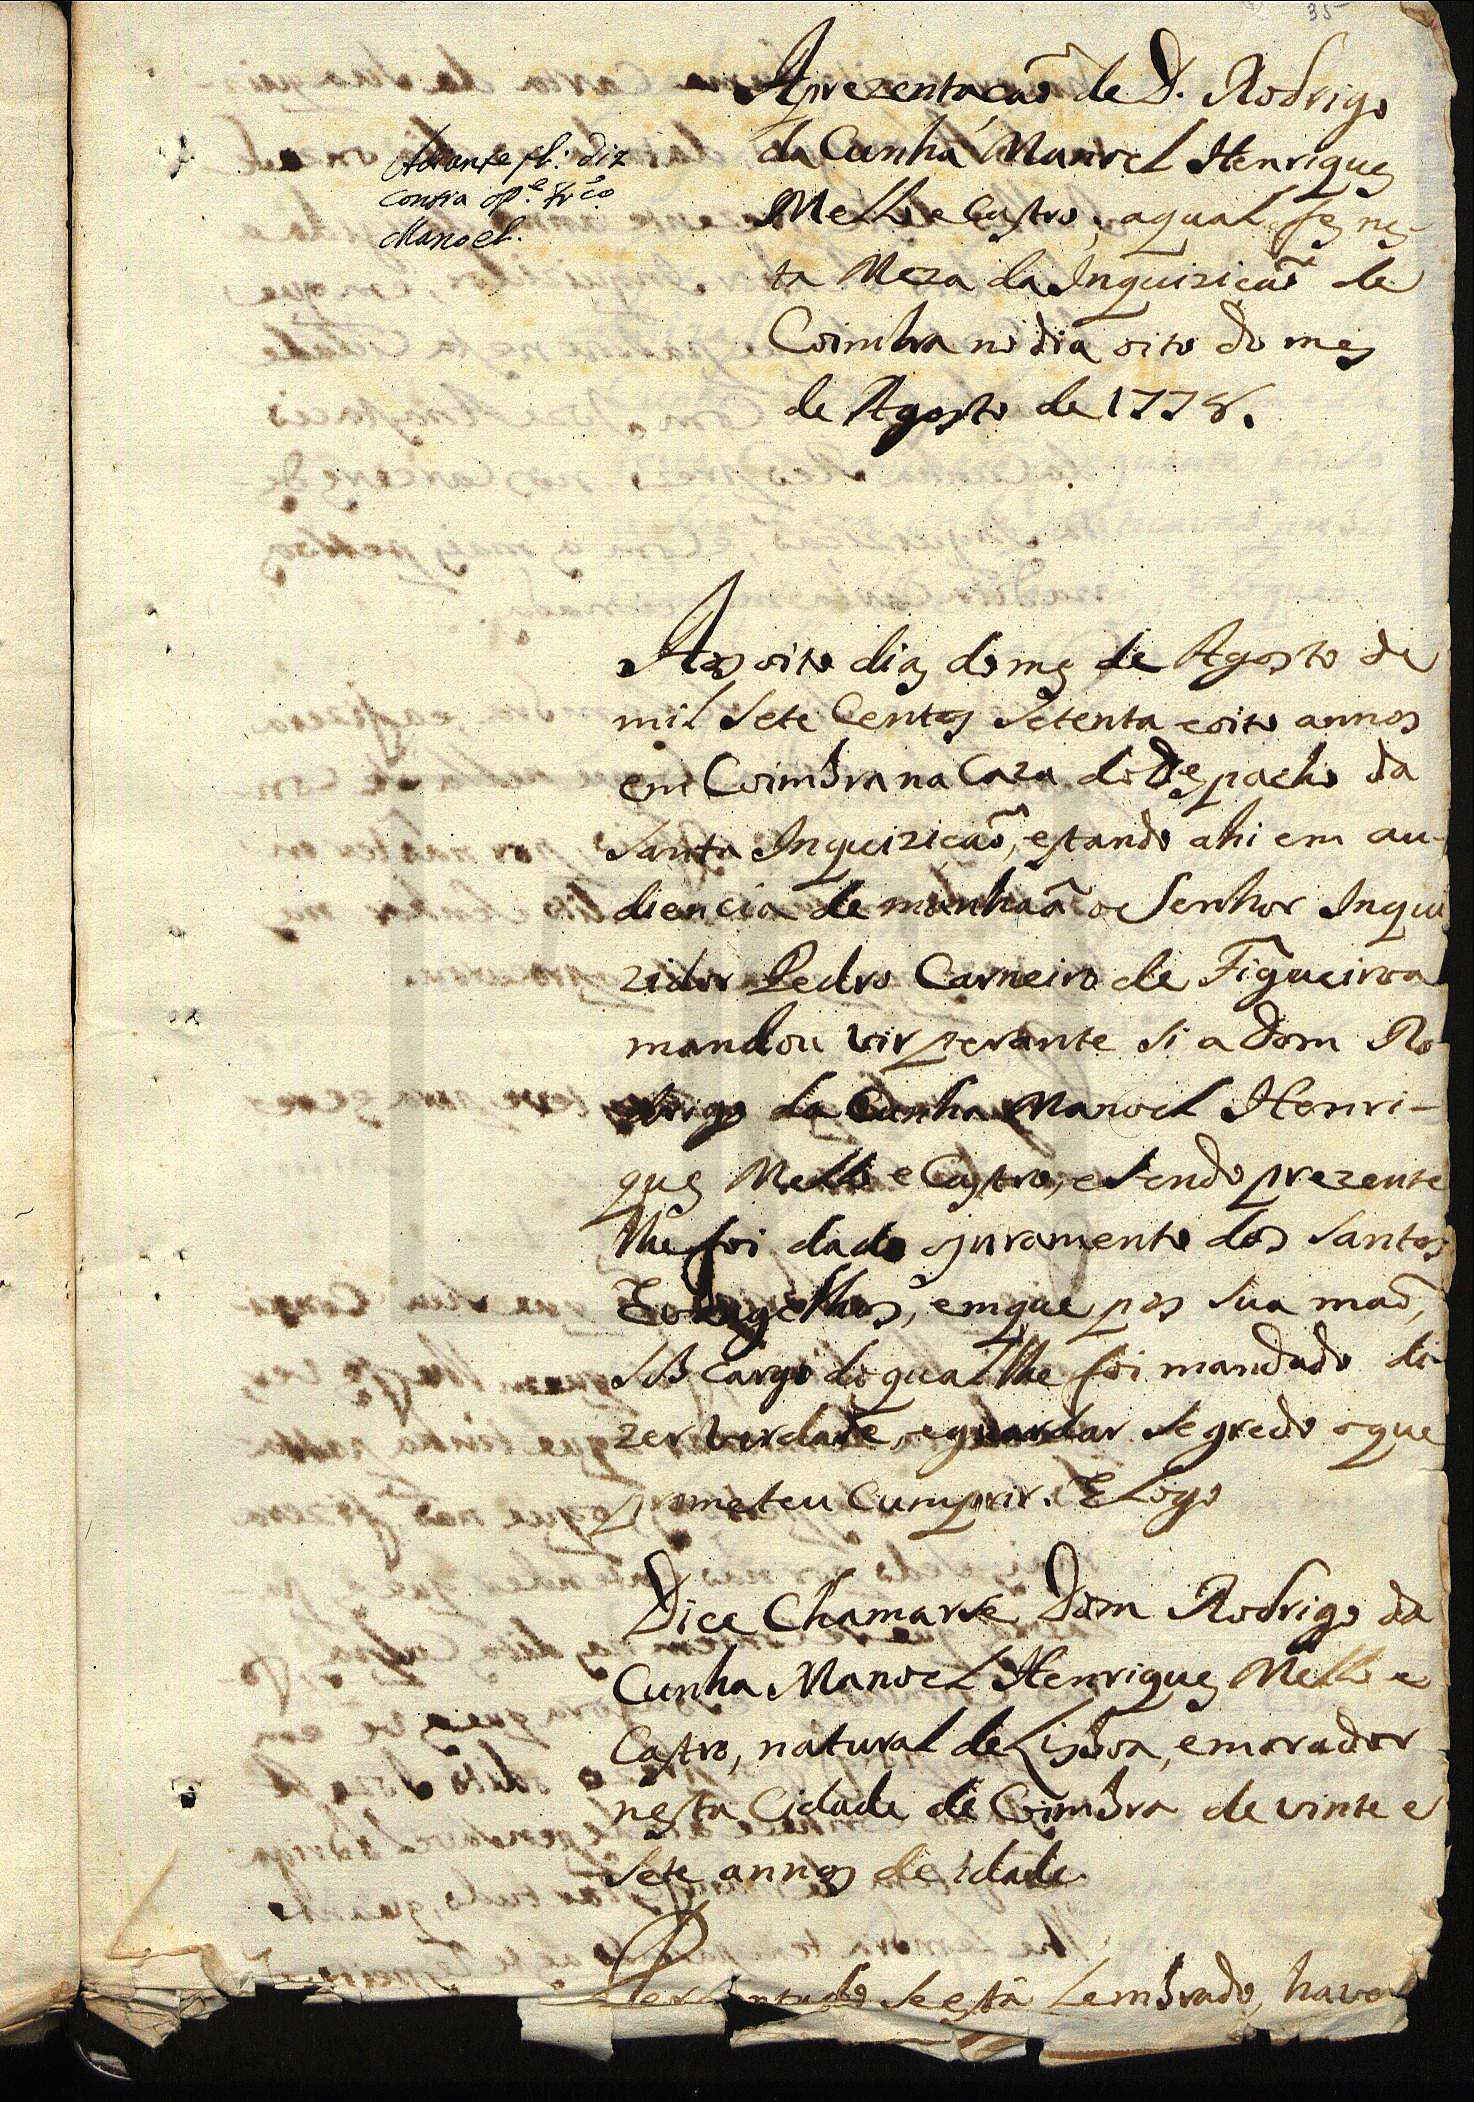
Aprezentaçaõ de D. Rodrigo
da Cunha Manoel Henriques
Adiante fl: diz
contra o P.e Frco
Manoel.
Mello e castro, a qual fes nes
ta Meza da Inquiziçaõ de
Coimbra no dia oito do mes
de Agosto de 1778.
Ao oito dias do mes de Agosto de
mil seteCentos setenta e oito annos
em Coimbra na caza do Despacho da
santa Inquiziçaõ, estando ahi em au
diencia de manhaã o Senhor Inqui
zidor Pedro Carneiro de Figueiroa
mandou vir perante si a Dom Ro
rigo da Cunha Manoel Henri
ques Mello e Castro, e sendo prezente
lhe foi dado o juramento dos santos
Eva_gelhos, em que pos sua maõ,
sob cargo do qual lhe foi mandado di
zer verdade, e guardar segredo o que
prometeu cumprir. E Logo
Dice chamarse, Dom Rodrigo da
Cunha Manoel Henrique Mello e
Castro, natural de Lisboa, e morador
nesta Cidade de Coimbra de vinte e
sete annos de idade
Per
se está Lembrado, haver
